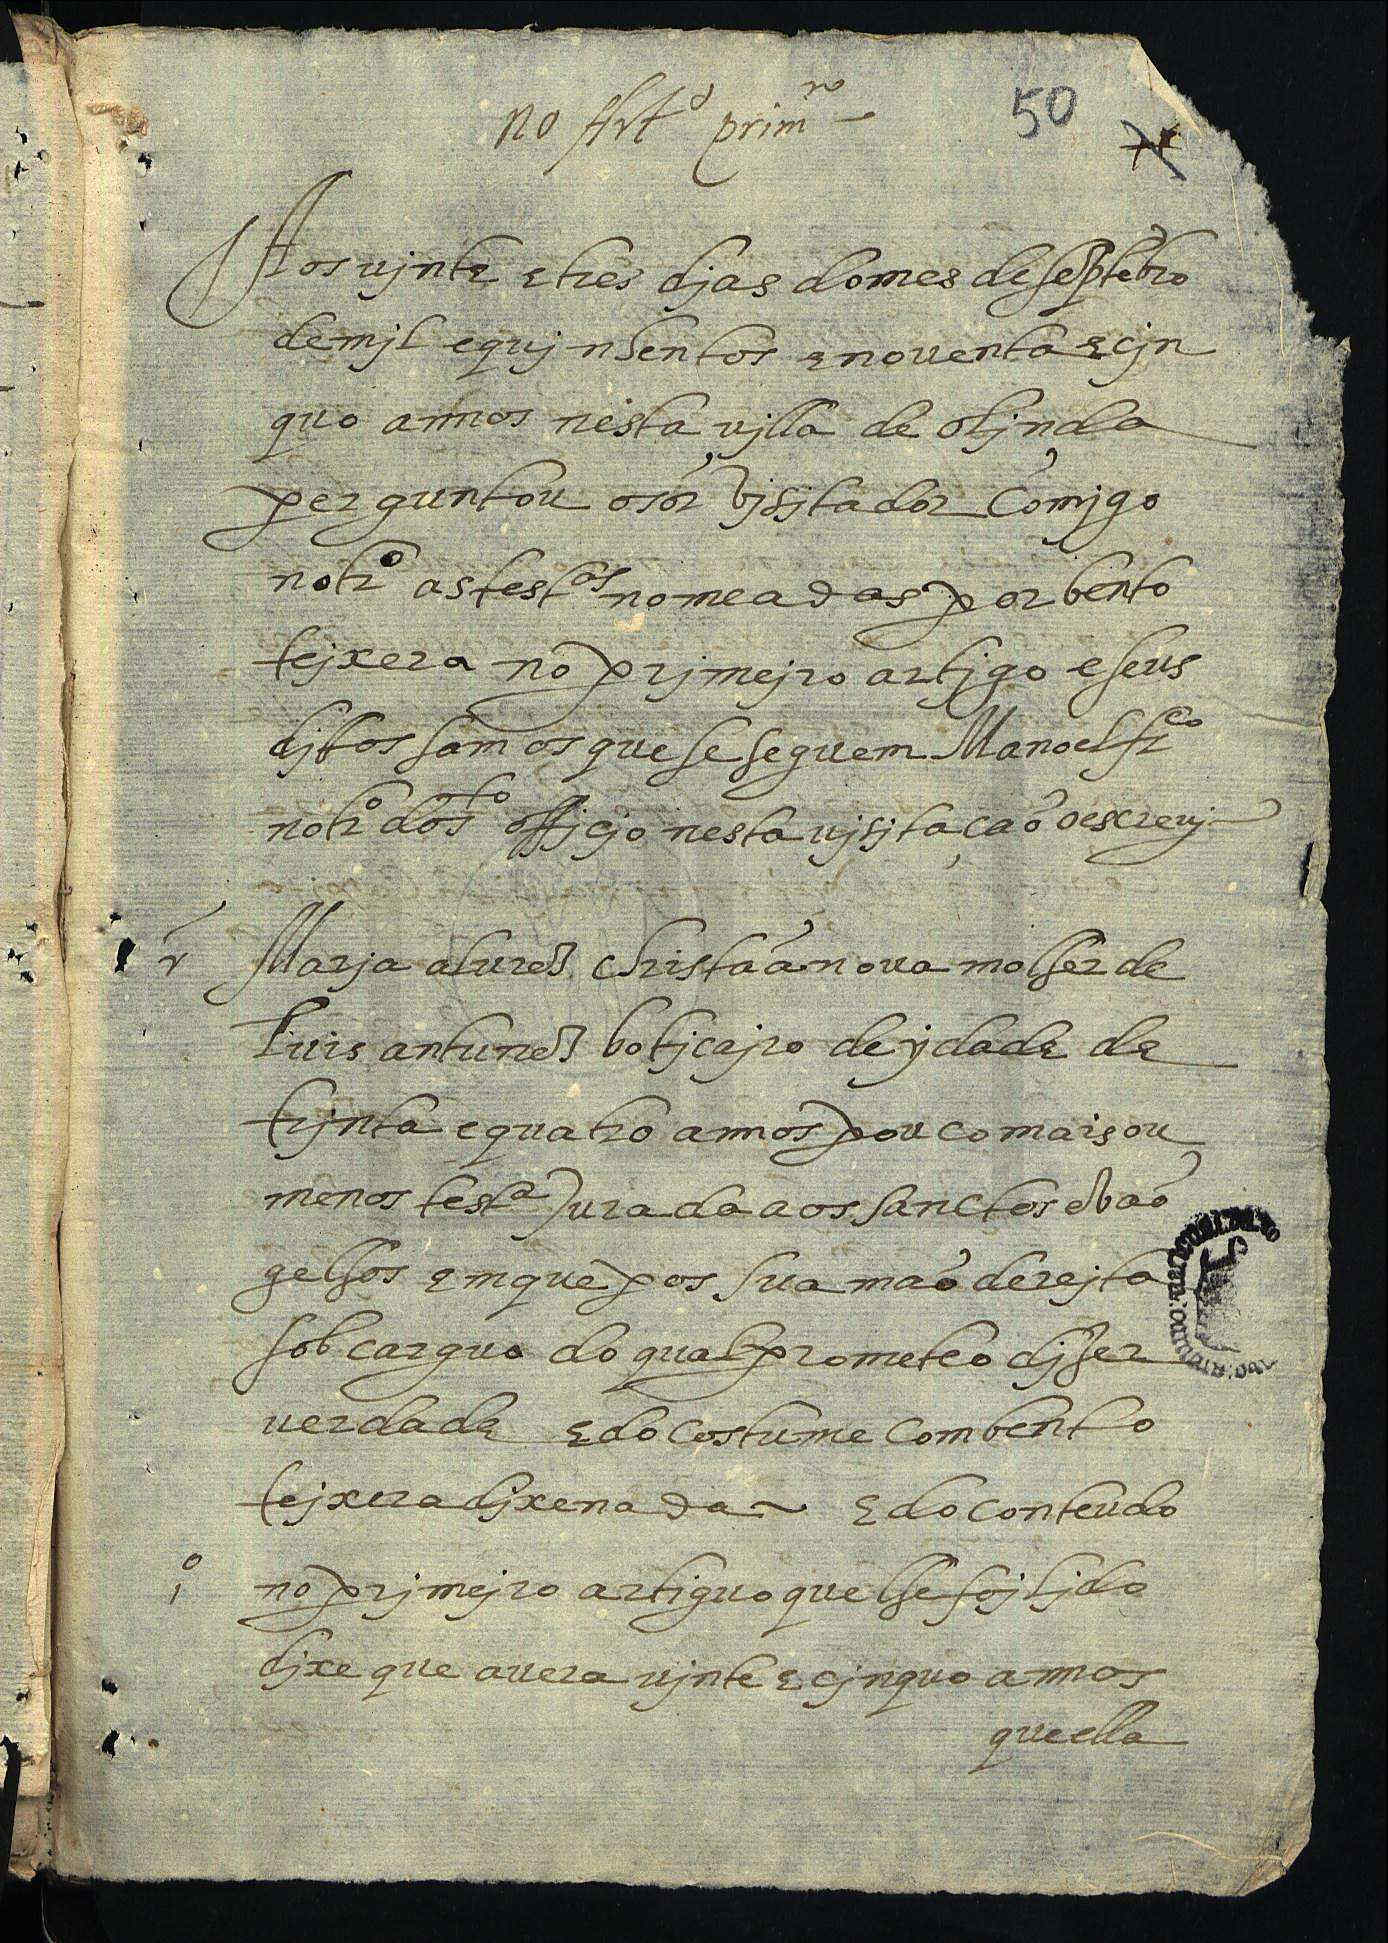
No Arto primro
Aos ujnte E tres djas do mes de septēbro
de mjl e qujnhentos E nouenta e cjn
quo annos nesta ujlla de oljnda
perguntou o sor̄ vjsjtador Cōmjgo
notro as testas nomeadas por bento
tejxera no prjmejro artjgo e seus
djttos sam os que se seguem Manoel frco
notro do sto offjcjo nesta ujsjtaçaõ o escreuj-
Marja alurez christaā noua molher de
luis antunez botjcajro de ydade de
trjnta e quatro annos pouco mais ou
menos testa Jurada aos sanctos evaõ
gelhos Em que pos sua maõ derejta
sob carguo do qual prometeo djzer
uerdade E do costume com bento
tejxera djxe nada ~ e do conteudo
no prjmejro artiguo que lhe foj ljdo
dixe que auera ujnte E cjnquo annos
que ella
